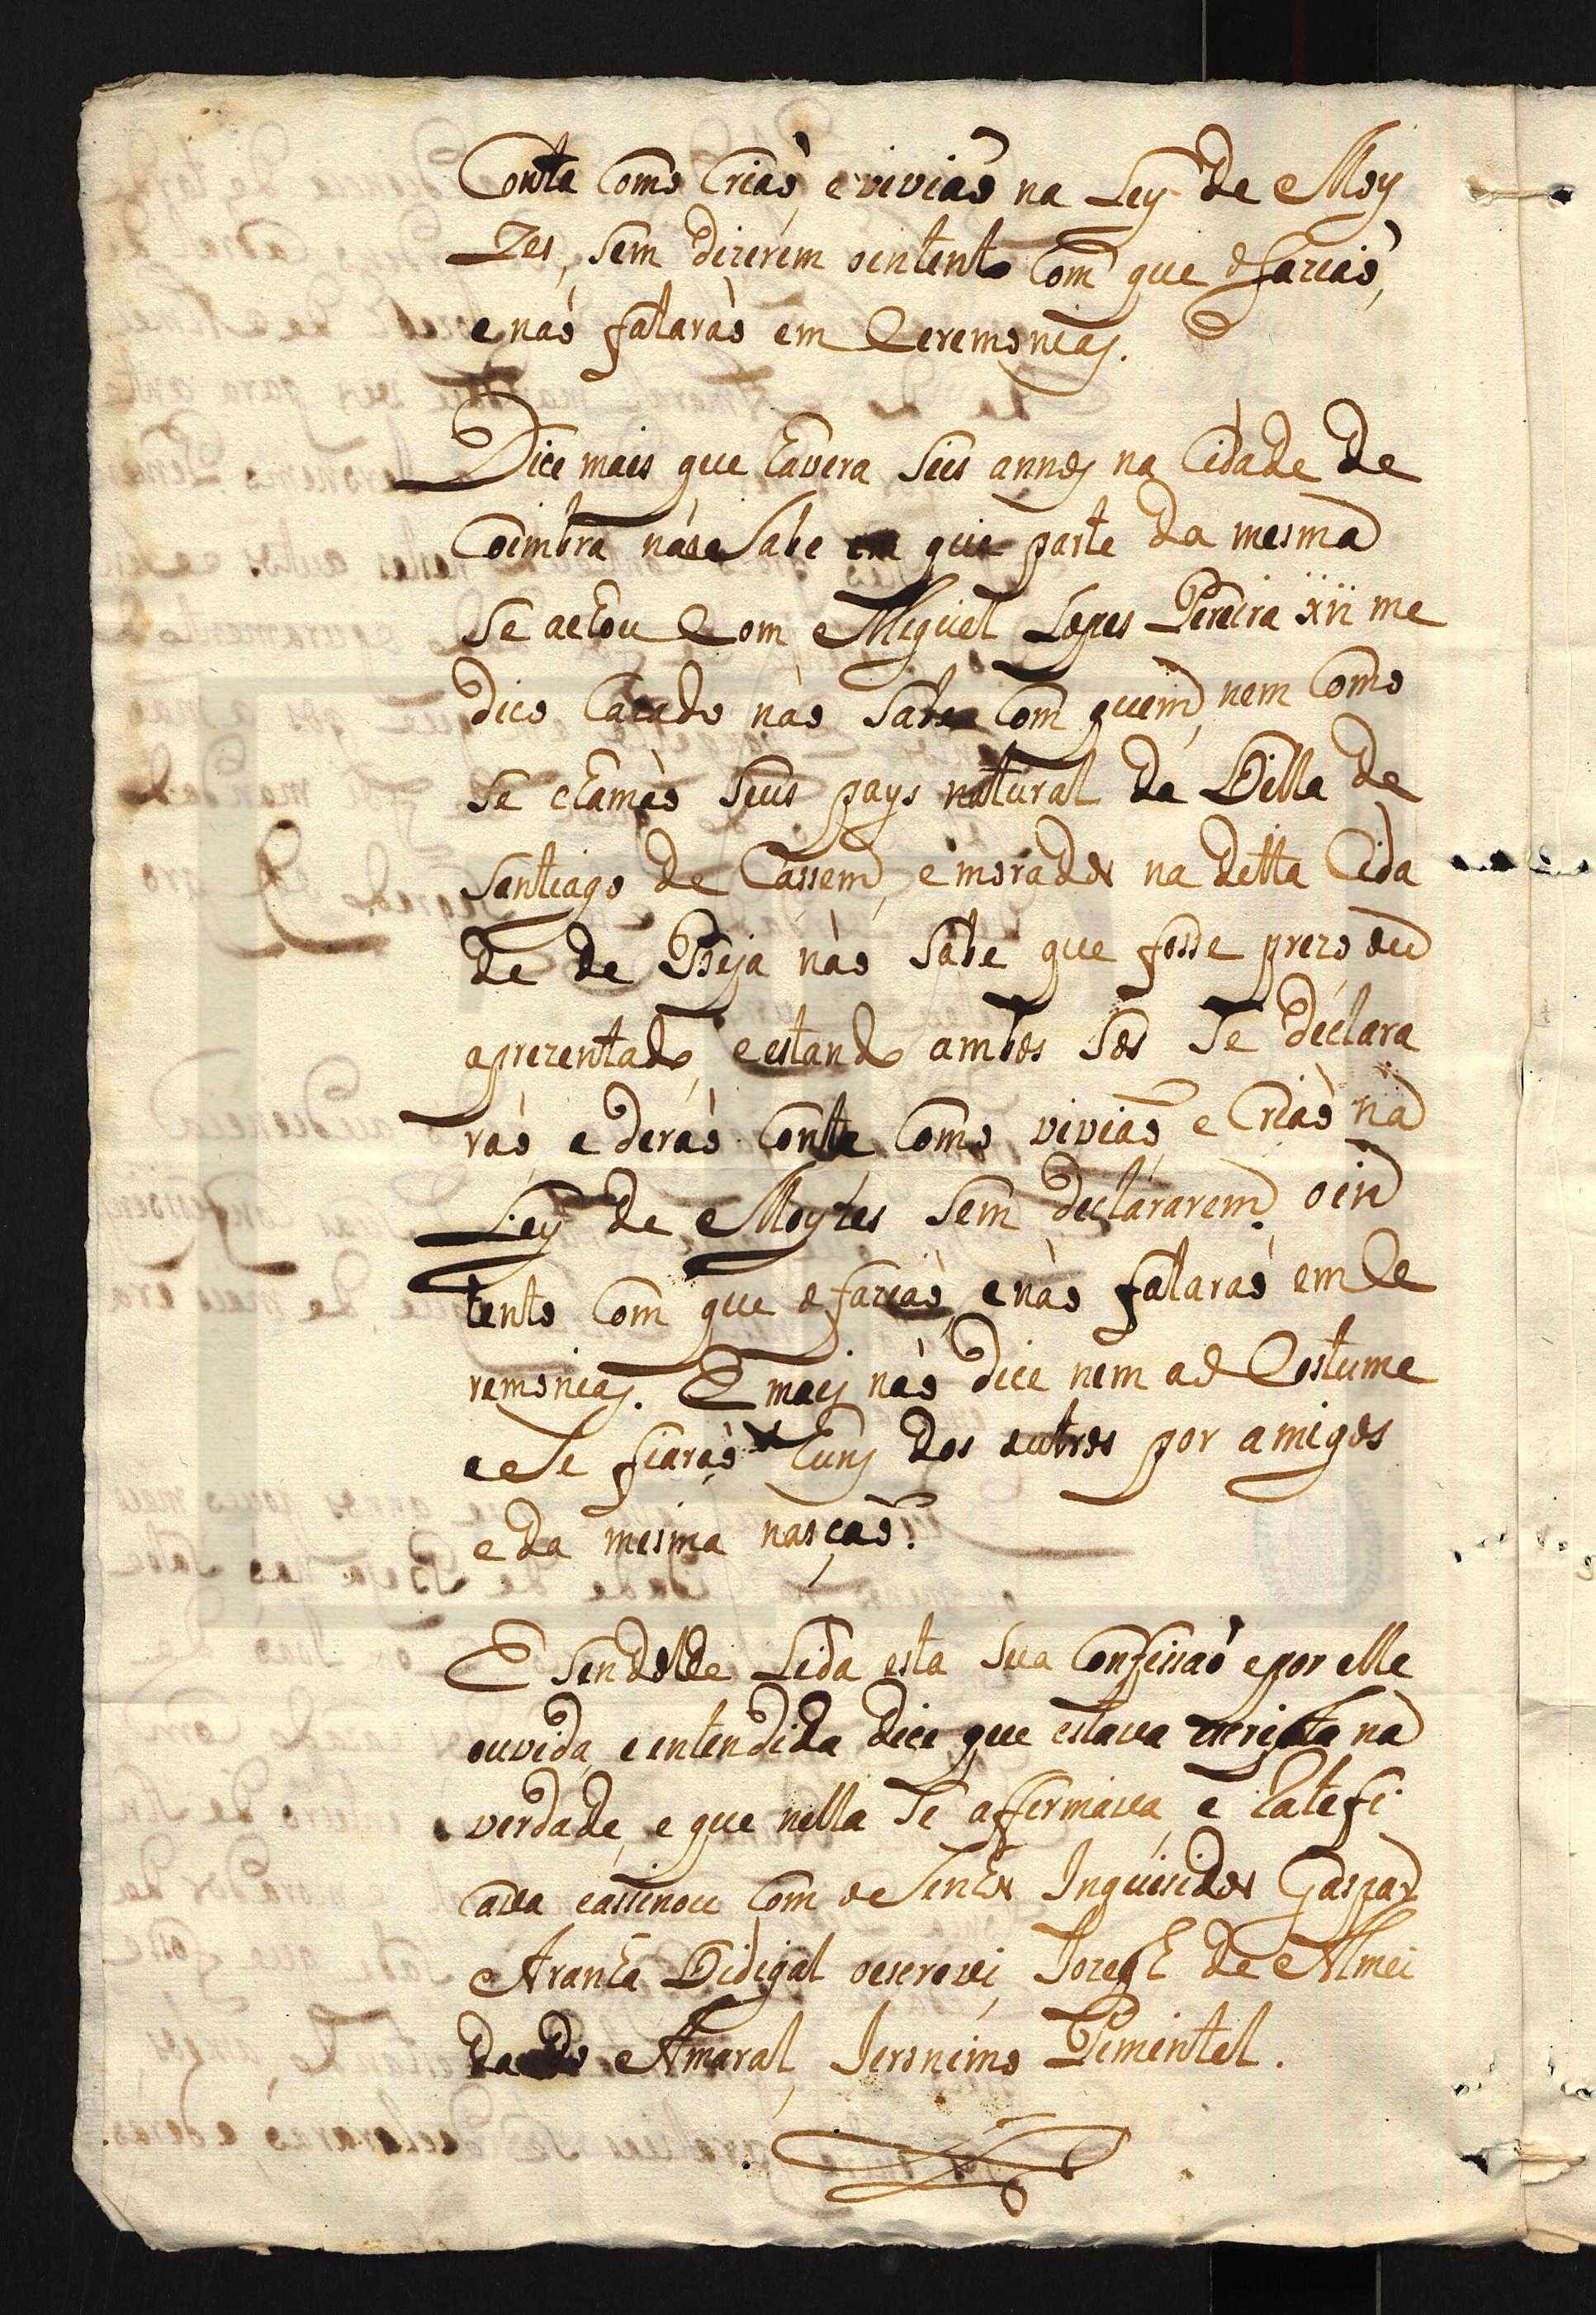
Conta Como Criaõ, e viviaõ na Ley de Moy
zes, sem dizerem o intento Com que o faziaõ,
e naõ falaraõ em Ceremonias.
Dice mais que hauera seis annos na Cidade de
Coimbra naõ Sabe em que parte da mesma
Se achou Com Miguel Lopes Pereira x̄ n̄ me
dico Cazado naõ Sabia com quem, nem Como
se chamão Seus pays natural da Villa de
Santiago de Cassem, e morador na ditta Cida
de de Beja não sabe que fosse prezo ou
aprezentado, e estando ambos sos se declara
raõ, e derão Conta Como viviaõ, e Criaõ na
Ley de Moyzes sem declararem, o in
tento Com que o faziaõ e não falaraõ em Ce
remonias. E mais não dice nem ao Costume
e Se fiaraõ huns dos outros por amigos
e da mesma nasçaõ.
E sendolhe Lida esta Sua Confissaõ e por elle
ouvida, e entendida dice que estaua escripta na
verdade, e que nella se affirmava, e Ratefi
caua e assinou Com o Senhor Inquisidor Gaspar
Aranha Vidigal o escreui, Iozeph de Almei
da do Amaral, Ieronimo Pimentel.
